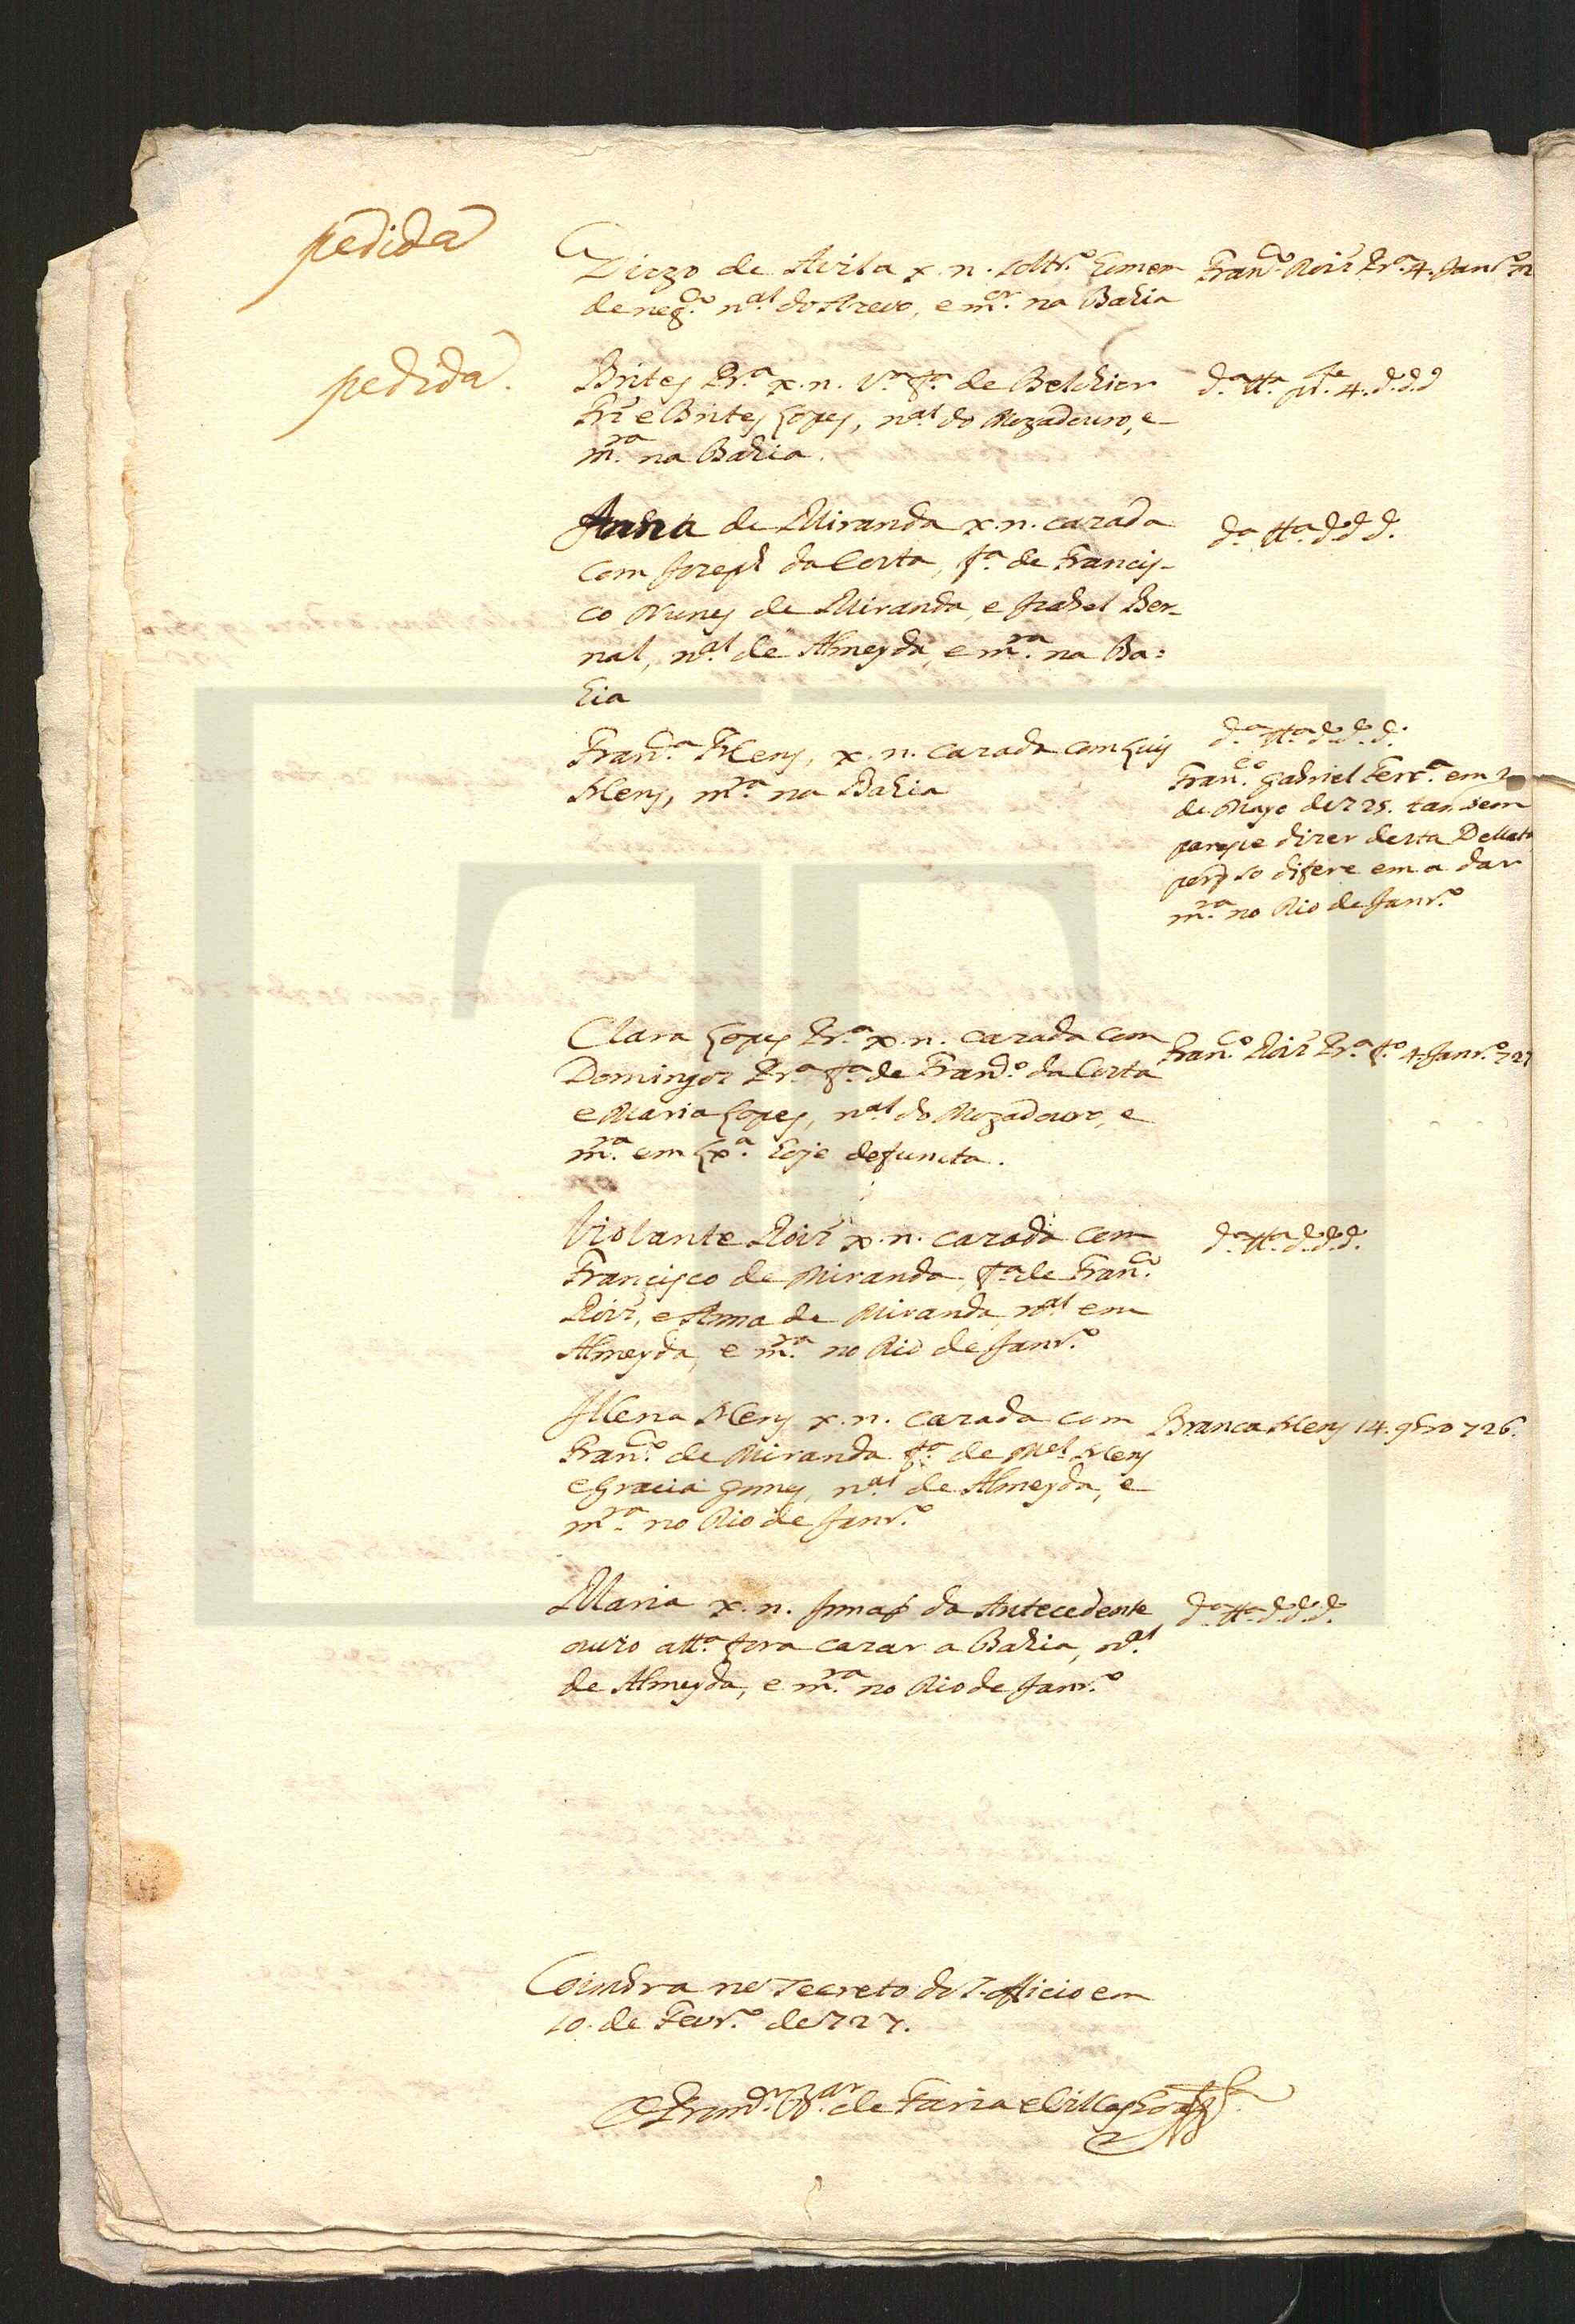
pedida
Diogo de Avila x n. soltr.o homem
Franco Roiz̄ Pr.a 4. Ianro 72
de neg.co n.al do Azevo, e m.or na Bahia
Brites Pr.a x. n. V.a f.a de Belchior
d.a tt.a pr.te 4. d̄. d̄. d̄
Frz̄ e Brites Lopes, na.l do Mogadouro, e
m.ra na Bahia.
pedida.
Anna de Miranda x. n. cazada
d.a tt.a d.o d.o d.o
com Jozeph da Costa, f.a de Francis
co Nunes de Miranda, e Jzabel Ber
nal, n.al de Almeyda, e m.ra na Ba
hia
d.a tt.a d.o d.o d.o
Fran.ca Hens, x. n. cazada com Luis
Fran.co Gabriel Ferr.a em 2
Hens, mr.a na Bahia
de Mayo de 725. tambem
paresce dizer desta Dellata
porq̄ so difere em a dar
m.ra no Rio de Janr.o
Clara Lopes Pr.a x. n. cazada com
Domingos Pr.a f.a de Fran.co da Costa
e Maria Lopes, na.l do Mogadouro, e
m.ra em Lx.a hoje defuncta.
Fran.co Roiz̄ Pr.a f.o 4. Janr.o 727
Violante Roiz̄ x. n. cazada com
Francisco de Miranda, f.a de Fran.co
Roiz̄, e Anna de Miranda n.al em
Almeyda, e m.ra no Rio de Janr.o
d.a tt.a d.o d.o d.o
Jllena Hens x. n. cazada com
Fran.co de Miranda f.a de M.el Hens
e Gracia Gomes, n.al de Almeyda, e
m.ra no Rio de Janr.o
Branca Hens 14. 9bro 726.
Maria x. n. Jrmaꝭ da Antecedente
ouvio a tt.a fora cazar a Bahia, n.al
de Almeyda, e m.ra no Rio de Janr.o
d.a tt.a d.o d.o d.o
Coimbra no secreto do s. officio em
10. de Fevr.o de 727.
O Prom.or B.ar de Faria e Villas boas
